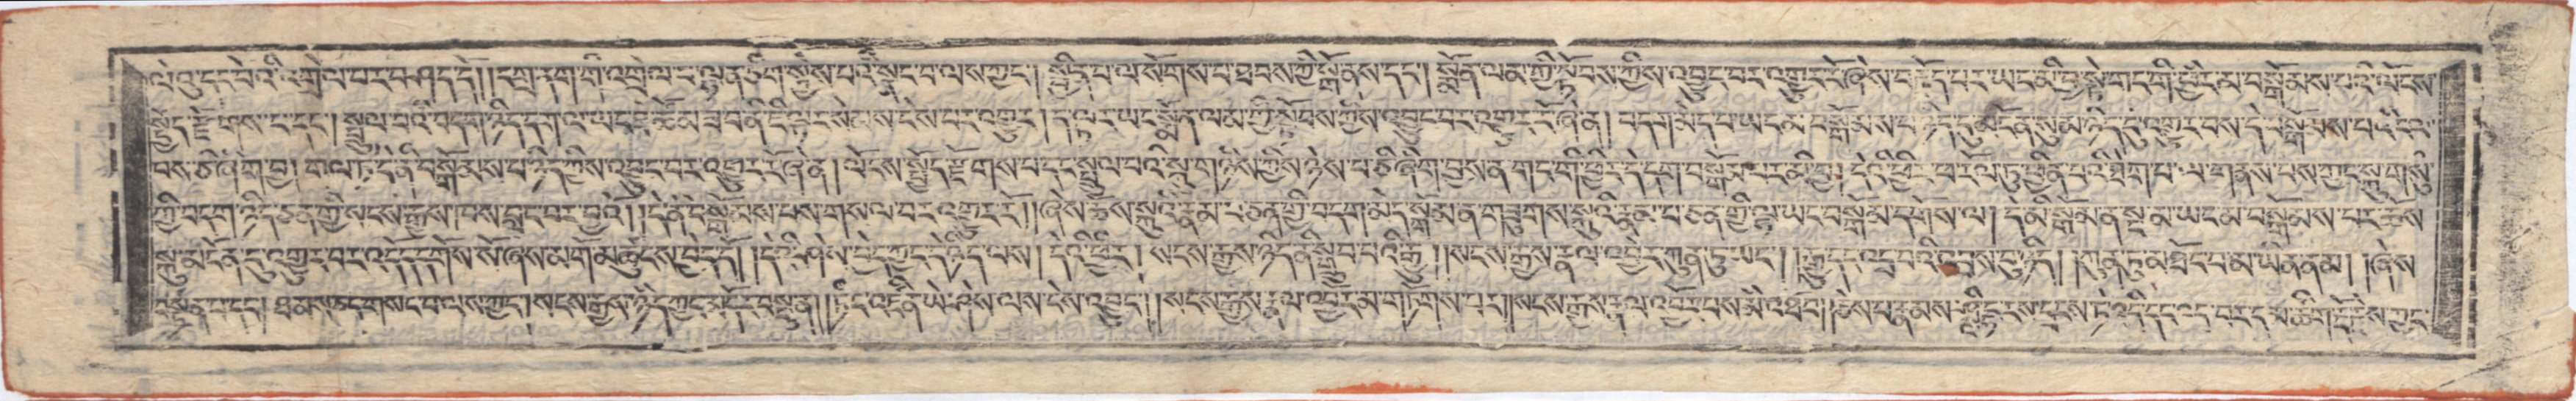ལེའུ་དང་པོའི་འགྲེལ་པར་བཤད་དོ། །དགྲ་ནག་གི་འགྲེལ་པ་ལྷན་ཅིག་སྐྱེས་པའི་སྣང་བ་ལས་ཀྱང་། སྦྱིན་པ་ལ་སོགས་པ་ཐབས་ཀྱི་སྒོ་ནས་དང་། སྨོན་ལམ་གྱི་སྟོབས་ཀྱིས་འབྱུང་བར་འགྱུར་རོ་ཞེས་བརྗོད་པར་ཡང་མི་བྱ་སྟེ་གང་གི་ཕྱིར་མ་བསྒོམས་པའི་ལོངས་
སྤྱོད་རྫོགས་པ་དང་། སྤྲུལ་པའི་བདག་ཉིད་དག་ལ་ཡང་ཐེ་ཚོམ་ཟ་བ་ནི་ཇི་ལྟར་སེམས་ངེས་པར་འགྱུར། དེ་ལྟར་ཡང་སྨོན་ལམ་གྱི་སྟོབས་ཀྱིས་འབྱུང་བར་འགྱུར་རོ་ཞེ་ན། བདག་མེད་པ་ཡང་མ་བསྒོམས་པ་ཉིད་དུ་མངོན་སུམ་ཉིད་དུ་འགྱུར་བས་དེ་བསྒོམས་པའི་ངལ་
བས་ཅི་ཞིག་བྱ། གལ་ཏེ་དེ་ནི་བསྒོམས་པ་ཉིད་ཀྱིས་འབྱུང་བར་འགྱུར་རོ་ཞེ་ན། ལོངས་སྤྱོད་རྫོགས་པ་དང་སྤྲུལ་པའི་སྐུ་གཉིས་ཀྱིས་ཉེས་པ་ཅི་ཞིག་བྱས་ན་གང་གི་ཕྱིར་དེ་དག་བསྒོམ་པར་མི་བྱ། དེའི་ཕྱིར་ཕ་རོལ་ཏུ་ཕྱིན་པའི་ཐེག་པ་ལ་གནས་པས་ཀྱང་སྐུ་གསུམ་
ཀྱི་བདག་ཉིད་ཅན་གྱི་སངས་རྒྱས་ཁས་བླང་བར་བྱའོ། །དེ་ནི་བསྒོམས་པས་གསལ་བར་འགྱུར་རོ། །ཞེས་ཆོས་སྐུའི་རྣམ་པ་ཅན་གྱི་བདག་མེད་སྒོམ་ན་གཟུགས་སྐུའི་རྣམ་པ་ཅན་གྱི་ལྷ་ཡང་བསྒོམ་དགོས་ལ། དེ་མི་སྒོམ་ན་སྔ་མ་ཡང་མ་བསྒོམས་པར་ཆོས་
སྐུ་མངོན་དུ་འགྱུར་བར་འདོད་དགོས་སོ་ཞེས་མགོ་མཚུངས་བྱེད་དོ། །དེའི་ཤེས་བྱེད་ཀྱང་དེ་ཉིད་ལས། དེའི་ཕྱིར། སངས་རྒྱས་ཉིད་ནི་སྒྲུབ་པའི་རྒྱུ། །སངས་རྒྱས་རྣལ་འབྱོར་ཀུན་ཏུ་ཡང་། །རྒྱུ་དང་འདྲ་བའི་འབྲས་བུ་ཉིད། །ཀུན་ཏུ་མཐོང་བ་མ་ཡིན་ནམ། །ཞེས་
བསྟན་པ་དང་། ཐམས་ཅད་གསང་བ་ལས་ཀྱང་། སངས་རྒྱས་ཉིད་ཀྱང་མདོར་བསྡུ་ན། །ཏིང་འཛིན་ཡེ་ཤེས་ལས་ངེས་འབྱུང་། །སངས་རྒྱས་རྣལ་འབྱོར་མ་གཏོགས་པར། །སངས་རྒྱས་རྣལ་འབྱོར་པས་མི་འཐོབ། །ཅེས་པ་རྣམས་ཤྲཱི་དྷ་རས་དྲངས་ཏེ་འདི་དང་འདྲ་བར་དམ་ཚིག་རྡོ་རྗེས་ཀྱང་